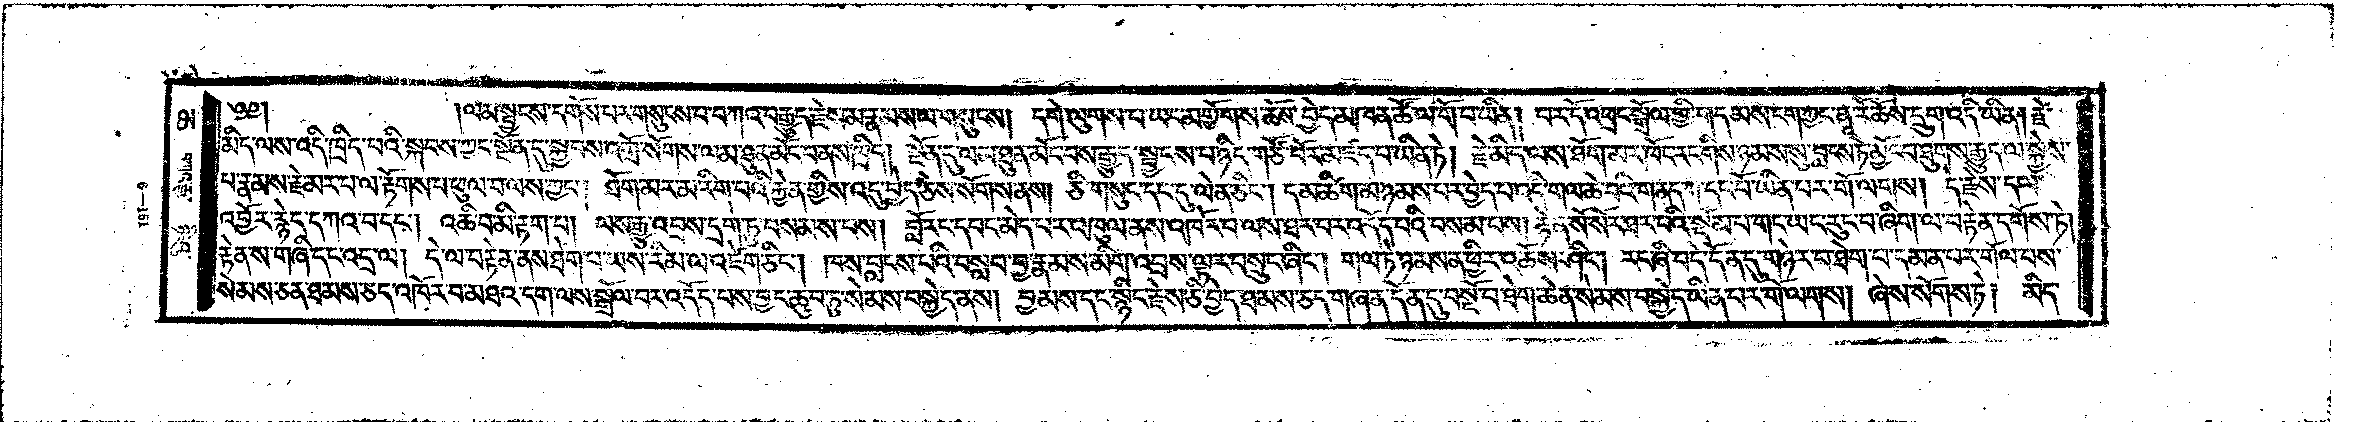༄༅། །ལམ་སྦྱངས་དགོས་པར་གསུངས་པ་བཀའ་བརྒྱུད་རྗེས་མ་རྣམས་ལ་གསུངས། དགེ་ལུགས་པ་ཡང་མགྱོགས་ཆོས་བྱེད་མཁན་ཚོ་ལ་གོ་བ་ཡིན། བར་དོ་འཕྲང་སྒྲོལ་གྱི་གདམས་ངག་ཀྱང་ནཱ་རོ་ཆོས་དྲུག་འདི་ཡིན། རྗོ་
མིད་ལས་འདི་ཁྲིད་པའི་སྐབས་ཀྱང་སྔོན་དུ་སྐྱབས་འགྲོ་སོགས་ལམ་ཐུན་མོང་བ་ནས་ཁྲིད། སྔོན་དུ་ལམ་ཐུན་མོང་བས་རྒྱུད་སྦྱངས་པ་ཉིད་གཙོ་བོར་མཛད་པ་ཡིན་ཏེ། རྗེ་མིད་ལས་ཐོག་མར་ཁོང་རང་གིས་ཉམས་སུ་བླངས་ཏེ་མྱོང་བ་ཐུགས་རྒྱུད་ལ་སྐྱེས་
པ་རྣམས་རྗེ་མར་པ་ལ་རྟོགས་པ་ཕུལ་བ་ལས་ཀྱང་། ཐོག་མར་མ་རིག་པའི་རྐྱེན་གྱིས་འདུ་བྱེད་ཅེས་སོགས་ནས། ཅི་གསུང་དང་དུ་ལེན་ཅིང་། དམ་ཚིག་མ་ཉམས་པར་བྱེད་པ་འདི་གལ་ཆེ་བའི་གནད་ཀ་དང་པོ་ཡིན་པར་གོ་ལགས། དེ་རྗེས་དལ་
འབྱོར་རྙེད་དཀའ་པ་དང་། འཆི་བ་མི་རྟག་པ། ལས་རྒྱུ་འབྲས་དྲག་ཏུ་བསམས་པས། བློ་རང་དབང་མེད་པར་འཁུལ་ནས་འཁོར་བ་ལས་ཐར་པར་འདོད་པའི་བསམ་པས། རྟེན་སོ་སོར་ཐར་པའི་སྡོམ་པ་གང་ཡང་རུང་བ་ཞིག་ལ་བརྟེན་དགོས་ཏེ།
རྟེན་ས་གཞི་དང་འདྲ་ལ། དེ་ལ་བརྟེན་ནས་ཐེག་པ་ཡས་རིམ་ལ་འཛེག་ཅིང་། ཁས་བླངས་པའི་བསླབ་བྱ་རྣམས་མིག་འབྲས་ལྟར་བསྲུང་ཞིང་། གལ་ཏེ་ཉམས་ན་ཕྱིར་འཆོས་ཤིང་། རང་ཞི་བདེ་དོན་དུ་གཉེར་བ་ཐེག་པ་དམན་པར་གོལ་བས་
སེམས་ཅན་ཐམས་ཅད་འཁོར་བ་མཐའ་དག་ལས་སྒྲོལ་བར་འདོད་པས་བྱང་ཆུབ་ཏུ་སེམས་བསྐྱེད་ནས། བྱམས་དང་སྙིང་རྗེས་ཅི་བྱེད་ཐམས་ཅད་གཞན་དོན་དུ་བསྔོ་བ་ཐེག་ཆེན་སེམས་བསྐྱེད་ཡིན་པར་གོ་ལགས། ཞེས་སོགས་ཏེ། མིད་